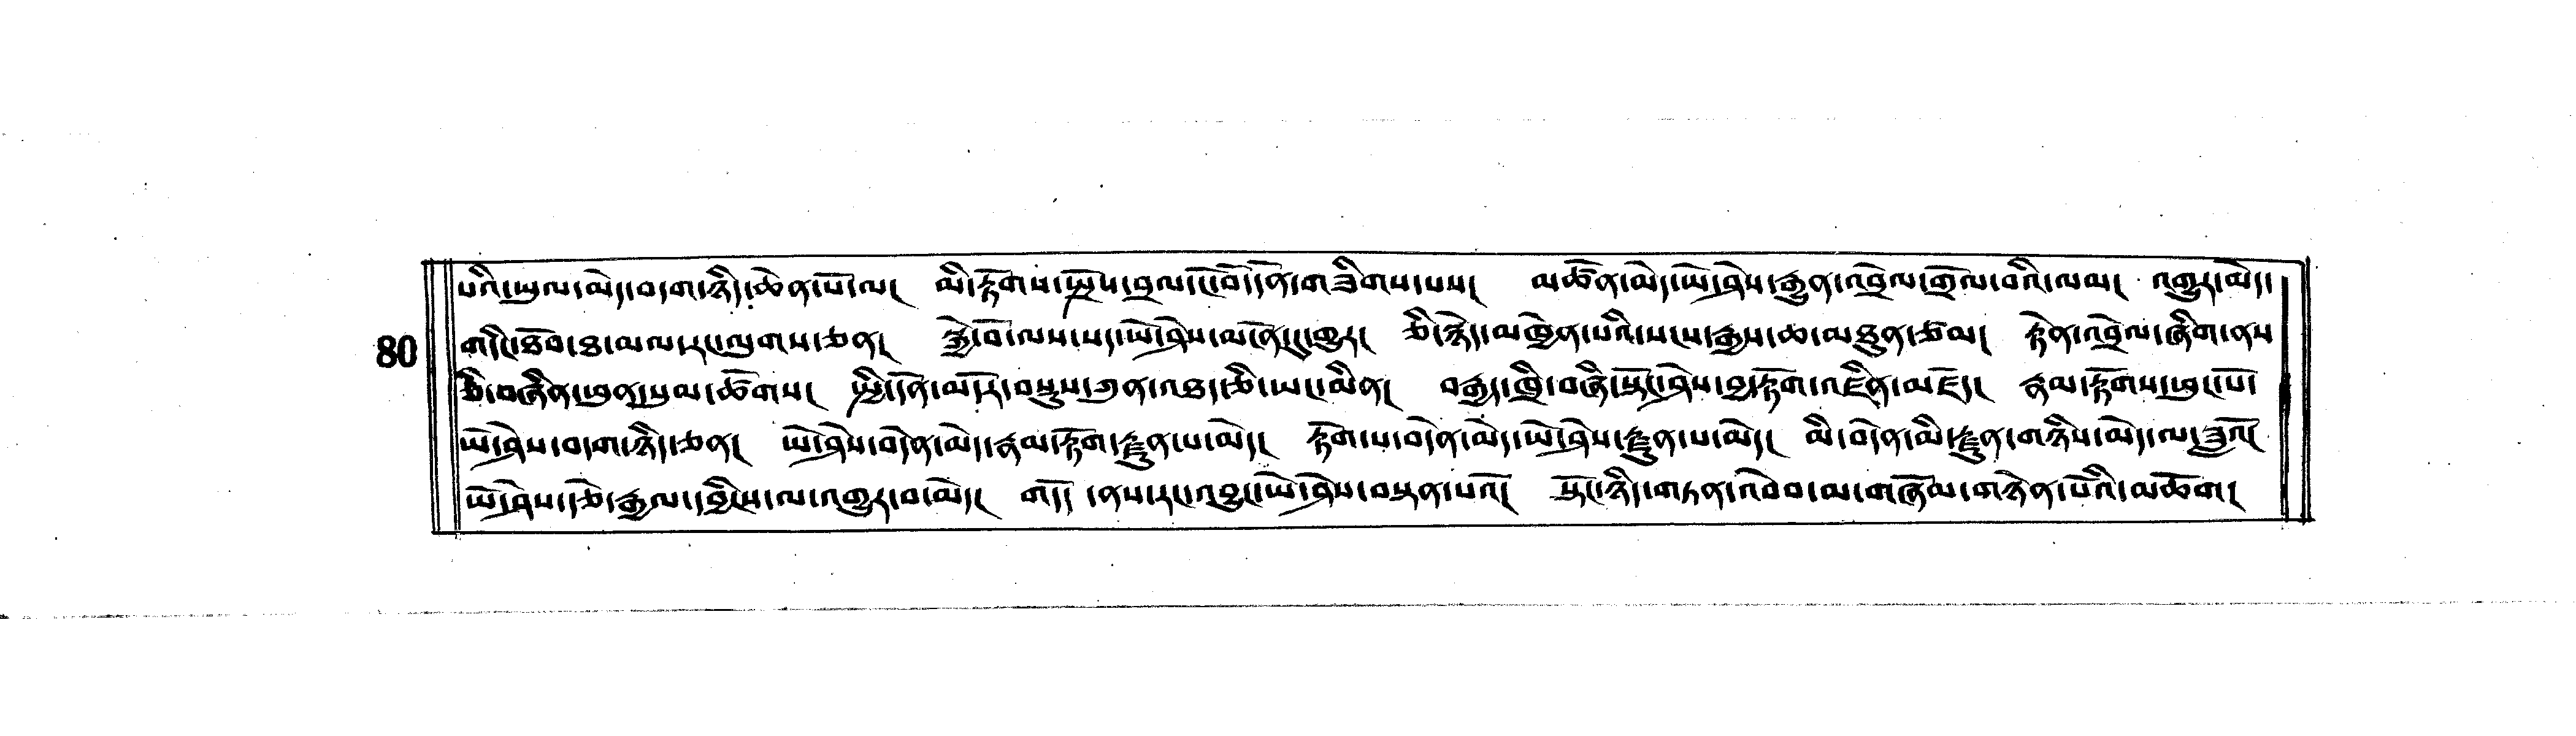མེད་བདག་ཉིད་ཆེན་པོ་ལ། མི་རྟོགས་སྤྲོས་བྲལ་ངོ་བོ་དོན་གཟིགས་པས། མཚོན་མེད་ཡེ་ཤེས་རྒྱུན་འབྲེལ་གྲོལ་བའི་ལམ། འགྱུར་མེད་
གདེང་ཐོབ་ཐ་མལ་རང་ལུགས་ཅན། སྐྱེ་བོ་ལས་སད་ཡེ་ཤེས་མངོན་དུ་གྱུར། ཅི་སྙེད་མཁྱེན་པའི་སངས་རྒྱས་ཆ་མཐུན་ཙམ། རྟེན་འབྲེལ་ཞིག་ནས་
ཅི་བཞིན་ཕུན་སུམ་ཚོགས། སྤྱི་དོན་མདོར་བསྡུས་ཀུན་འཐད་ཅི་ཡང་མིན། བརྒྱད་ཁྲི་བཞི་སྟོང་ཤེས་བྱ་རྟོག་འཛིན་མཛོད། རྣམ་རྟོག་ཕུང་པོ་
ཡེ་ཤེས་བདག་ཉིད་ཅན། ཡེ་ཤེས་བདེན་མེད་རྣམ་རྟོག་རྫུན་པ་མེད། རྟོག་པ་བདེན་མེད་ཡེ་ཤེས་རྫུན་པ་མེད། མི་བདེན་མི་རྫུན་གཉིས་མེད་ལ་ཟླའོ། 
ཡེ་ཤེས་རྩེ་རྒྱལ་དབྱིངས་ལ་འགྱུར་བ་མེད། གདོད་ནས་རང་འབྱུང་ཡེ་ཤེས་བསྟན་པའོ། སྟོང་ཉིད་གཏན་འབེབས་མ་གཞོལ་གཉེན་པོའི་མཆོག